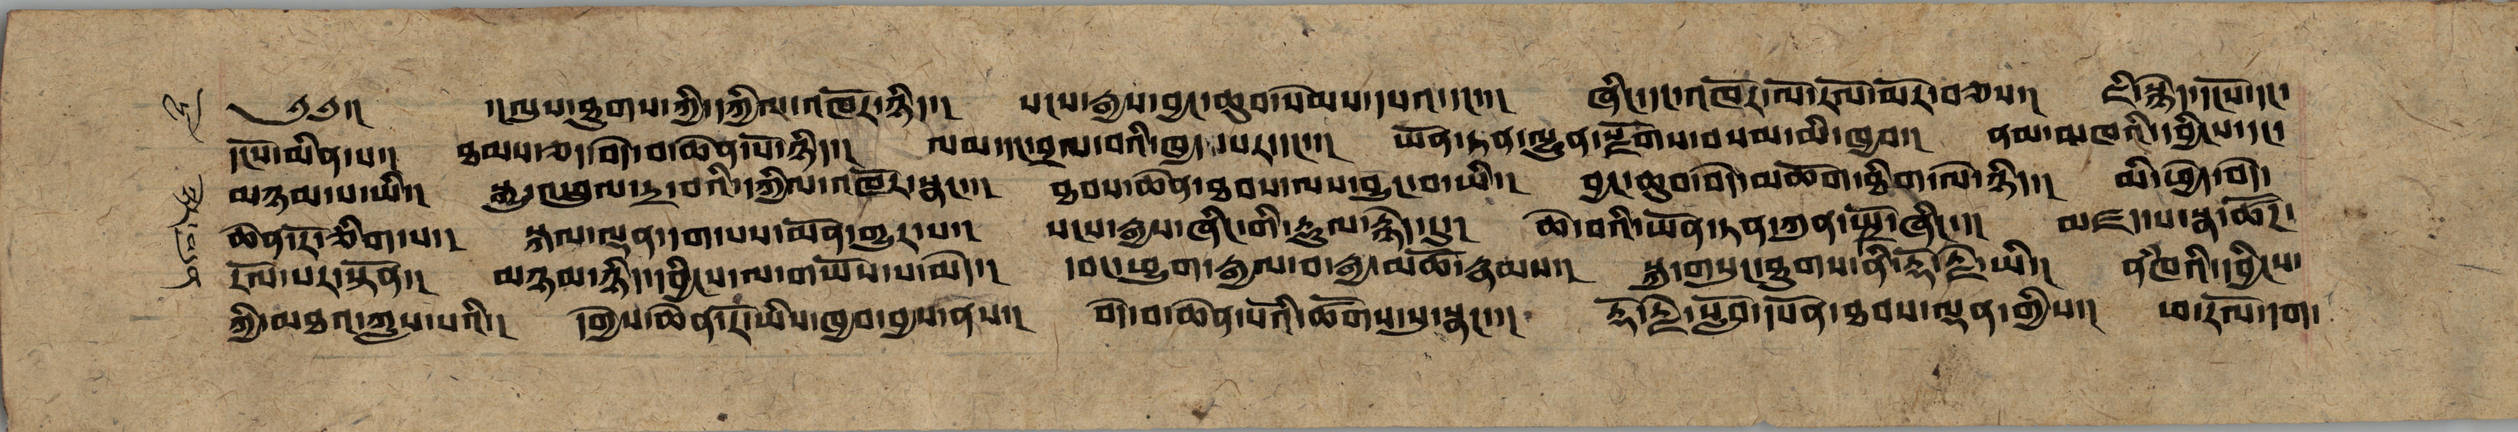༄༅་། ་།ལུས་ཐུགས་ཀྱི་དཀྱིལ་འཁོར་ཉིད་། སངས་རྒྱས་བྱང་ཆུབ་སེམས་དཔའ་དང་་། ཞིང་དང་འཁོར་ལོ་རོལ་མོར་བཅས་། ཇི་སྙེད་དངོས་དང་
དངོས་མིན་པ་། ཐམས་ཅད་བདེ་བ་ཆེན་པོ་ཉིད་། ལམ་དང་བྲལ་བའི་ཁྱད་པར་དང་་། ཡོན་ཏན་ལྷུན་སྫོགས་བསམ་མི་ཁྱབ་། ནམ་མཁའི་དབྱིངས་དང་
མཉམ་པ་ཡི་། སྒྱུ་འཕྲུལ་དྲ་བའི་དཀྱིལ་འཁོར་སྣང་་། ཐབས་ཆེན་ཐབས་ལས་བྱུང་བ་ཡི་། བྱང་ཆུབ་བདེ་མཆོག་ཐིག་ལེ་ཉིད་། མི་ཕྱེད་བདེ་
ཆེན་རོ་ཅིག་པ་། སྐལ་ལྡན་དག་པས་མོན་གྱུར་པ་། སངས་རྒྱས་ཞིང་གི་རྡུལ་རྙེད་དུ་། ཆེ་བའི་ཡོན་ཏན་ཀུན་སྤྲོ་ཞིང་་། མཛད་པ་སྣ་ཚོཌ་
རོལ་པར་སྟོན་། མཉམ་ཉིད་དབྱིངས་ལ་གཡོས་པ་མེད་། དབང་ཕྱུག་རྒྱལ་བ་རྒྱ་མཚོ་རྣམས་། སྐུ་གསུང་ཐུགས་ནི་རྡོ་རྗེ་ཡི་། ནཾཁའི་དབྱིངས་
ཀྱི་མཐའ་ཀླས་པའི་། དགྱེས་ཆེན་རོ་ཡིས་ཁྱབ་བྱས་ནས་། བདེ་བ་ཆེན་པོའི་ཚོགས་སུ་སྣང་་། རྡོ་རྗེ་སླཽབ་དཔོན་ཐབས་ལྡན་གྱིས་། ཕ་རོལ་དག་